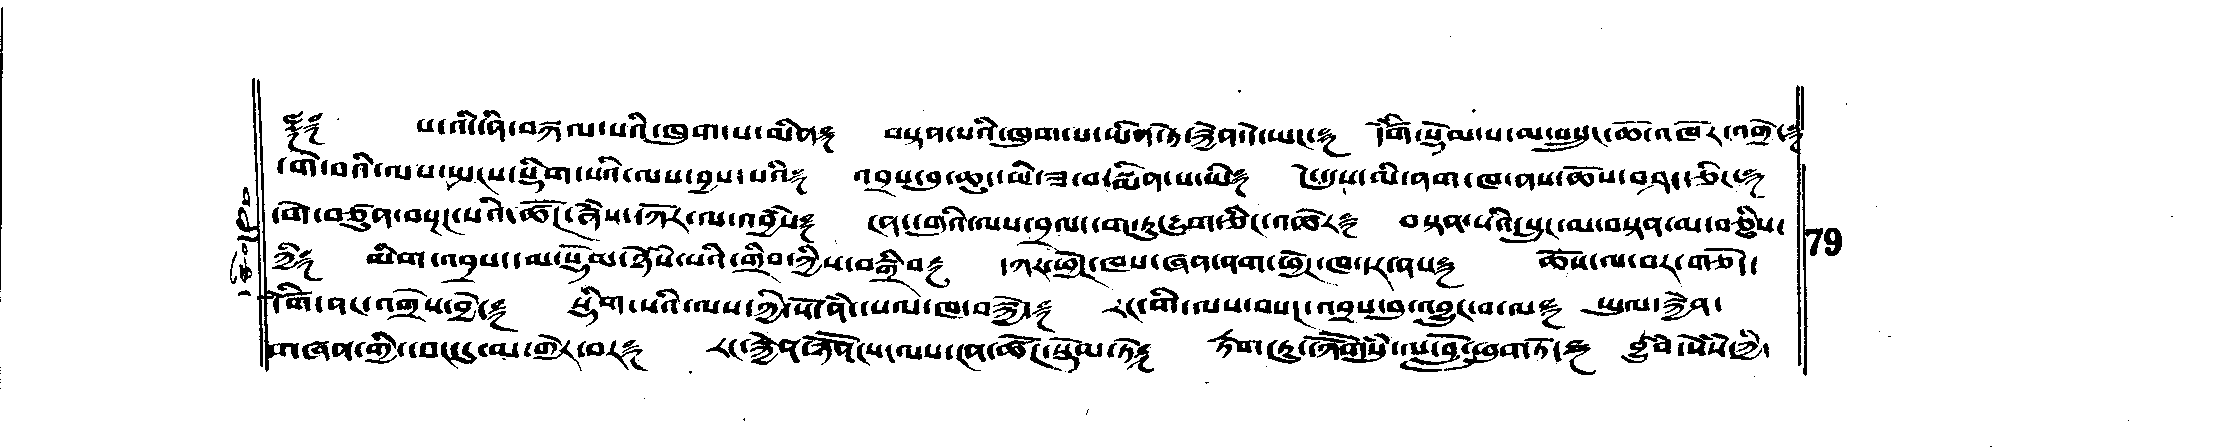པ་འདི་ནི་བསྐལ་པའི་ཁུག་པ་མིན། །བསྟན་པའི་ཁུག་པ་ཡིན་ཏེ་སྐྱོན་དེ་ཡང་། །དམ་ཚིག་སྡོམ་པ་མ་བསྲུང་ཆོ་འཁོར་འགྱེད། །
དགེ་བའི་ལས་སྤངས་སྡིག་པའི་ལས་བྱས་པའི། །འབྲས་བུ་ཆུད་མི་ཟ་བ་སྨིན་པ་ཡི། །དེ་དུས་མི་ནག་ཁ་ནས་ཆོས་བཤད་ཅིང་། །
དགེ་བཙུན་བསྔགས་པའི་ཚོགས་རྣམས་དཀོར་ལ་འབྱམས། །ངན་དགུའི་ལས་བྲལ་དག་ཏུ་རྒྱུག་ཅིང་འཚོར། །བསྟན་པའི་སྲུང་མ་བསྟན་མ་བཅུ་གཉིས་
ཀྱི། །མིག་འབྲས་དམ་སྡོམ་ཉམས་པའི་གྲིབ་ཀྱིས་བསྒྲིབ། །དཀར་ཕྱོགས་ཁས་ཞན་ནག་ཕྱོགས་ཁ་དར་ནས། །ཆོས་ལ་བར་གཅོད་
དམ་ཚིག་ནང་འགྲེས་བྱེད། །སྡིག་པའི་ལས་ཀྱི་སོ་ནམ་དཔལ་ཁ་བསྐྱོད། །རང་གི་ལས་བསགས་འབྲས་བུ་འབྱུང་བ་ལ། །ཡུལ་རྐྱེན་
གཞན་གྱི་དབང་དུ་མ་གྱེར་བར། །རང་རྐྱེན་ཉོན་མོངས་ལས་ངན་ཚོགས་སྡོམ་ཏེ། །རྟག་ཏུ་དཀོན་མཆོག་གསུམ་ལ་བློ་ཕུག་གཏོད། །བྱང་ཆུབ་སེམས་ཀྱི་